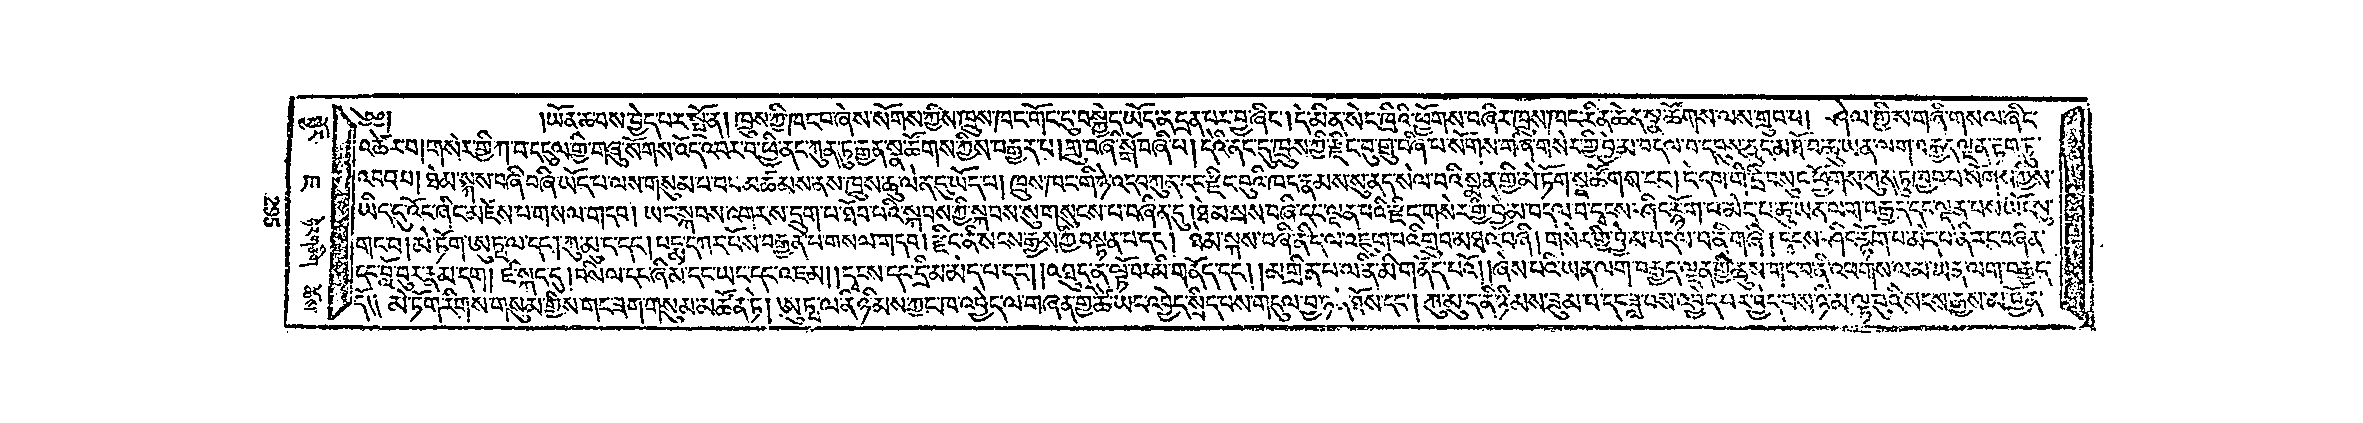༄༅། །ཡོན་ཆ་བས་བྱེད་པར་སྤྲོ་ན། ཁྲུས་ཀྱི་ཁང་པ་ཞེས་སོགས་ཀྱིས་ཁྲུས་ཁང་གོང་དུ་བསྐྱེད་ཡོད་ན་དྲན་པར་བྱ་ཞིང་། དེ་མིན་སེང་ཁྲིའི་ཕྱོགས་བཞིར་ཁྲུས་ཁང་རིན་ཆེན་སྣ་ཚོགས་ལས་གྲུབ་པ། ཤེལ་གྱི་ས་གཞི་གསལ་ཞིང་
འཚེར་བ། གསེར་གྱི་ཀ་བ་དངུལ་གྱི་གཞུ་སོགས་འོད་འབར་བ་ཕྱི་ནང་ཀུན་ཏུ་རྒྱན་སྣ་ཚོགས་ཀྱིས་བརྒྱར་པ། གྲུ་བཞི་སྒོ་བཞི་པ། དེའི་ནང་དུ་ཁྲུས་ཀྱི་རྫིང་བུ་གྲུ་བཞི་པ་སོགས་གཞི་གསེར་གྱི་བྱེ་མ་བདལ་བ་དབུས་ཅུང་མཐོ་བ་ཆུ་ཡན་ལག་བརྒྱད་ལྡན་རྟག་ཏུ་
འབབ་པ། ཐེམ་སྐས་བཞི་བཞི་ཡོད་པ་ལས་གསུམ་པ་བབ་མཚམས་ནས་ཁྲུས་ཆུ་ལེན་དུ་ཡོད་པ། ཁྲུས་ཁང་གི་ཉེ་འདབ་ཀུན་དང་རྫིང་བུའི་ཁང་རྣམས་སུ་ནད་སེལ་བའི་སྨན་གྱི་མེ་ཏོག་སྣ་ཚོགས་དང་། དེ་དག་གི་དྲི་བསུང་ཕྱོགས་ཀུན་ཏུ་ཁྱབ་པ་སོགས་ཀྱིས་
ཡིད་དུ་འོང་ཞིང་མཛེས་པ་གསལ་གདབ། ཡང་སྐབས་འགར་ས་དྲུག་པ་ཐོབ་པའི་སྐབས་ཀྱི་སྐབས་སུ་གསུངས་པ་བཞིན་དུ། ཐེམ་སྲས་བཞི་དང་ལྡན་པའི་རྫིང་གསེར་གྱི་བྱེ་མ་བདལ་བ་དྭངས་ཤིང་རྙོག་པ་མེད་པ་ཆུ་ཡན་ལག་བརྒྱད་དང་ལྡན་པས་ཡོངས་སུ་
གང་བ། མེ་ཏོག་ཨུཏྤླ་དང་། ཀུ་མུ་ད་དང་། པདམ་དཀར་པོས་བརྒྱན་པ་གསལ་གདབ། རྫིང་ནི་སངས་རྒྱས་ཀྱི་བསྟན་པ་དང་། ཐེམ་སྐས་བཞི་ནི་ད་ལ་འཇུག་པའི་གྲུབ་མཐའ་བཞི། གསེར་གྱི་བྱེ་མ་བདལ་བ་ནི་གཞི། དྭངས་ཤིང་རྙོག་པ་མེད་པ་ནི་རང་བཞིན་
དང་བློ་བུར་རྣམ་དག །ཇི་སྐད་དུ། བསིལ་དང་ཞིམ་དང་ཡང་དང་འཇམ། །དྭངས་དང་དྲི་མ་མེད་པ་དང་། །འཐུད་ན་ལྟོ་བར་མི་གནོད་དང་། །མགྲིན་པ་ལ་ནི་མི་གནོད་པའོ། །ཞེས་པའི་ཡན་ལག་བརྒྱད་ལྡན་གྱི་ཆུས་གང་བ་ནི་འཕགས་ལམ་ཡན་ལག་བརྒྱད་
དོ། །མེ་ཏོག་རིགས་གསུམ་གྱིས་གང་ཟག་གསུམ་མཚོན་ཏེ། ཨུཏྤླ་ལ་ནི་ཉི་མས་ཀྱང་ཁ་འབྱེད་ལ་གཞན་གྱི་ཚེ་ཡང་འབྱེད་སྲིད་པས་གདུལ་བྱ་ཉན་ཐོས་དང་། ཀུ་མུ་ད་ནི་ཉི་མས་ཟུམ་པ་དང་ཟླ་བས་འབྱེད་པར་བྱེད་པས་ཉི་མ་ལྟ་བུའི་སངས་རྒྱས་མ་བྱོན་